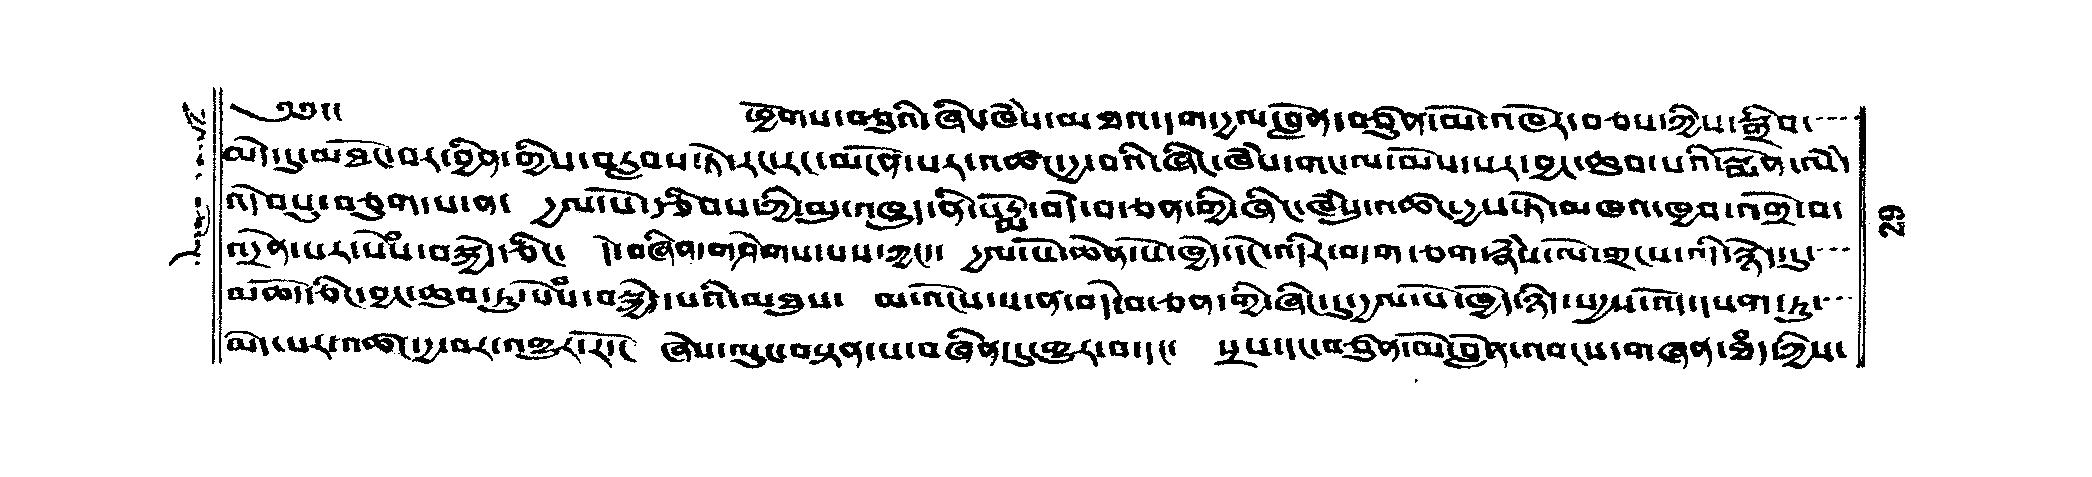ཕྱོགས་བཅུའི་ཞིང་ཁམས་མཐའ་དག་རྒྱལ་བློན་བཙུན་མོ་འཁོར་བཅས་ཀྱིས་སྒྲིབ་
མེད་དུ་མཐོང་བར་བྱིན་གྱིས་བརླབས་ཏེ་རང་རང་མངོན་པར་འཚང་རྒྱ་བའི་ཞིང་ཁམས་གང་ལ་མོས་པར་བྱང་ཆུབ་པའི་སྨོན་ལམ་
འདེབས་སུ་བཅུག་པ་ན། རྒྱལ་པོ་རྩིབས་ཀྱི་མུ་འཁྱུད་ནི་པདྨོ་བདེ་བ་ཅན་གྱི་ཞིང་ཁམས་སུ་འཚང་རྒྱས་ཏེ་མཁའ་ཁྱབ་འགྲོ་བ་
འདྲེན་པར་སེམས་བསྐྱེད་ཅིང་། དེ་བཞིན་གཤེགས་པས་ཀྱང་། རྒྱལ་པོ་ཆེན་པོ་ཁྱེད་དེང་འདིར་བདག་ཅག་རྣམས་ལོ་གྲངས་འདི་སྙེད་དུ་
མཆོད་ཅིང་བྱང་ཆུབ་ཏུ་སེམས་བསྐྱེད་པའི་མཐུས། མ་འོང་པ་ན་བདེ་བ་ཅན་གྱི་ཞིང་དུ་རྒྱལ་པོ་ཁྱོད་ཉིད་སངས་རྒྱས་འོད་དཔག་ཏུ་
མེད་པར་འཚང་རྒྱ་བར་འགྱུར་རོ། ཞེས་ལུང་བསྟན་པ་བཞིན་དུ་གྱུར་བ་དང་། སྲས་དང་བཙུན་མོ་བློན་འབངས་གཞན་ཐམས་ཅད་ཀྱིས་